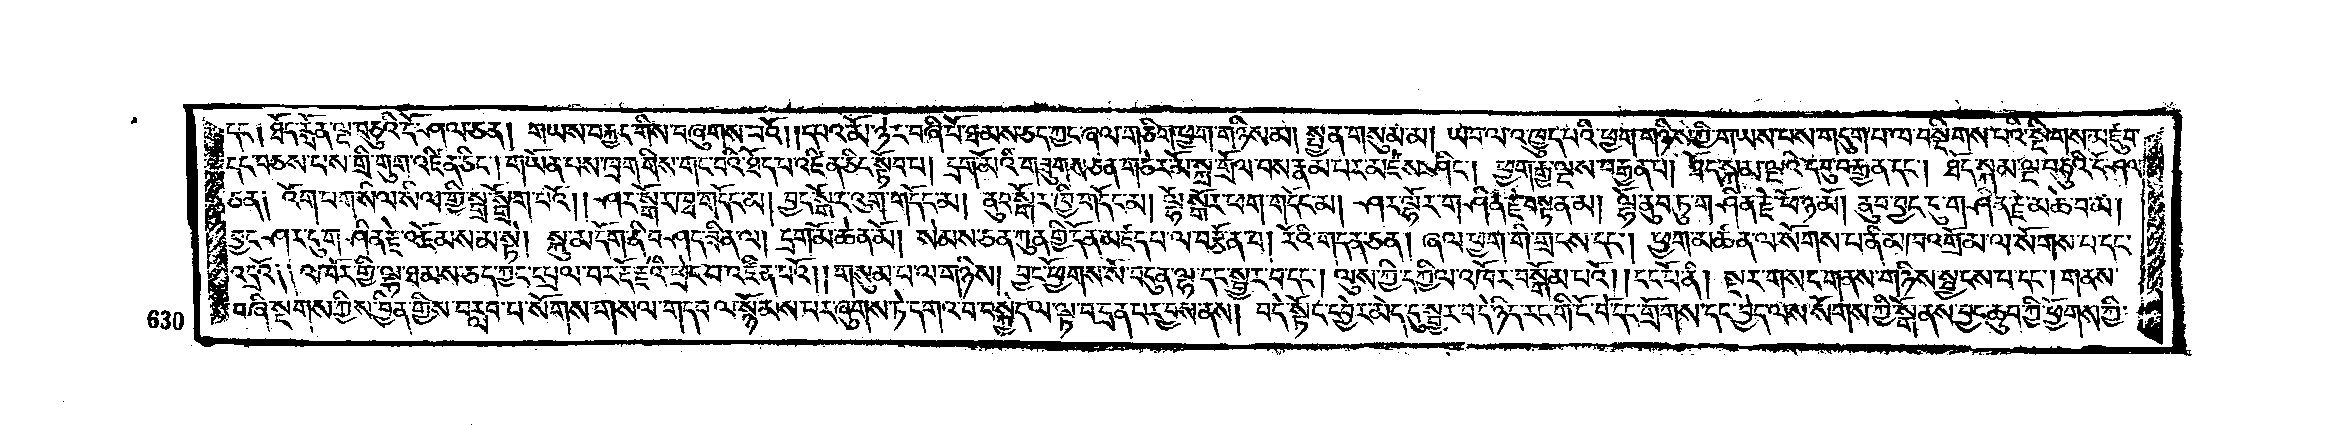དང་། ཐོད་རློན་ལྔ་བཅུའི་དོ་ཤལ་ཅན། གཡས་བརྐྱང་གིས་བཞུགས་པའོ། །དཔའ་མོ་ཉེར་བཞི་པོ་ཐམས་ཅད་ཀྱང་ཞལ་གཅིག་ཕྱག་གཉིས་མ། སྤྱན་གསུམ་མ། ཡབ་ལ་འཁྱུད་པའི་ཕྱག་གཉིས་ཀྱི་གཡས་པས་གདུག་པ་ལ་བསྡིགས་པའི་སྡིགས་མཛུབ་དང་བཅས་པས་གྲི་གུག་འཛིན་ཅིང་། གཡོན་པས་ཁྲག་གིས་གང་བའི་ཐོད་པ་འཛིན་ཅིང་སྟོབ་པ། དྲག་མོའི་གཟུགས་ཅན་གཅེར་མོ་སྐྲ་གྲོལ་བས་རྣམ་པར་མཛེས་ཤིང་། ཕྱག་རྒྱ་ལྔས་བརྒྱན་པ། ཐོད་སྐམ་ལྔའི་དབུ་བརྒྱན་དང་། ཐོད་སྐམ་ལྔ་བཅུའི་དོ་ཤལ་
ཅན། འོག་པག་སིལ་སིལ་གྱི་སྒྲ་སྒྲོག་པའོ། །ཤར་སྒོར་ཁྭ་གདོང་མ། བྱང་སྒོར་འུག་གདོང་མ། ནུབ་སྒོར་ཁྱི་གདོང་མ། ལྷོ་སྒོར་ཕག་གདོང་མ། ཤར་ལྷོར་གཤིན་རྗེ་བསྟན་མ། ལྷོ་ནུབ་ཏུ་གཤིན་རྗེ་ཕོ་ཉ་མོ། ནུབ་བྱང་དུ་གཤིན་རྗེ་མཆེ་བ་མ།
བྱང་ཤར་དུ་གཤིན་རྗེ་འཇོམས་མ་སྟེ། སྐུ་མདོག་ནི་བཤད་ཟིན་ལ། དྲག་མོ་ཆེན་མོ། སེམས་ཅན་ཀུན་གྱི་དོན་མཛད་པ་ལ་བརྩོན་པ། རོའི་གདན་ཅན། ཞལ་ཕྱག་གི་གྲངས་དང་། ཕྱག་མཚན་ལ་སོགས་པ་ནི་མཁའ་འགྲོ་མ་ལ་སོགས་པ་དང་
འདྲའོ། །འཁོར་གྱི་ལྷ་ཐམས་ཅད་ཀྱང་དཔྲལ་བར་རྡོ་རྗེའི་ཕྲེང་བ་འཛིན་པའོ། །གསུམ་པ་ལ་གཉིས། བྱང་ཕྱོགས་སོ་བདུན་ལྷ་དང་སྦྱར་བ་དང་། ལུས་ཀྱི་དཀྱིལ་འཁོར་བསྒོམ་པའོ། །དང་པོ་ནི། སྔར་གསང་གནས་གཉིས་སྦྱངས་པ་དང་། གནས་
བཞི་སྔགས་ཀྱིས་བྱིན་གྱིས་བརླབ་པ་སོགས་གསལ་གདབ་ལ་སྙོམས་པར་ཞུགས་ཏེ་དགའ་བ་བསྐྱེད་ལ་ལྟ་བ་དྲན་པར་བྱས་ནས། བདེ་སྟོང་དབྱེར་མེད་དུ་སྦྱར་བ་དེ་ཉིད་རང་གི་ངོ་བོ་དང་གྲོགས་དང་བྱེད་ལས་སོགས་ཀྱི་སྒོ་ནས་བྱང་ཆུབ་ཀྱི་ཕྱོགས་ཀྱི་